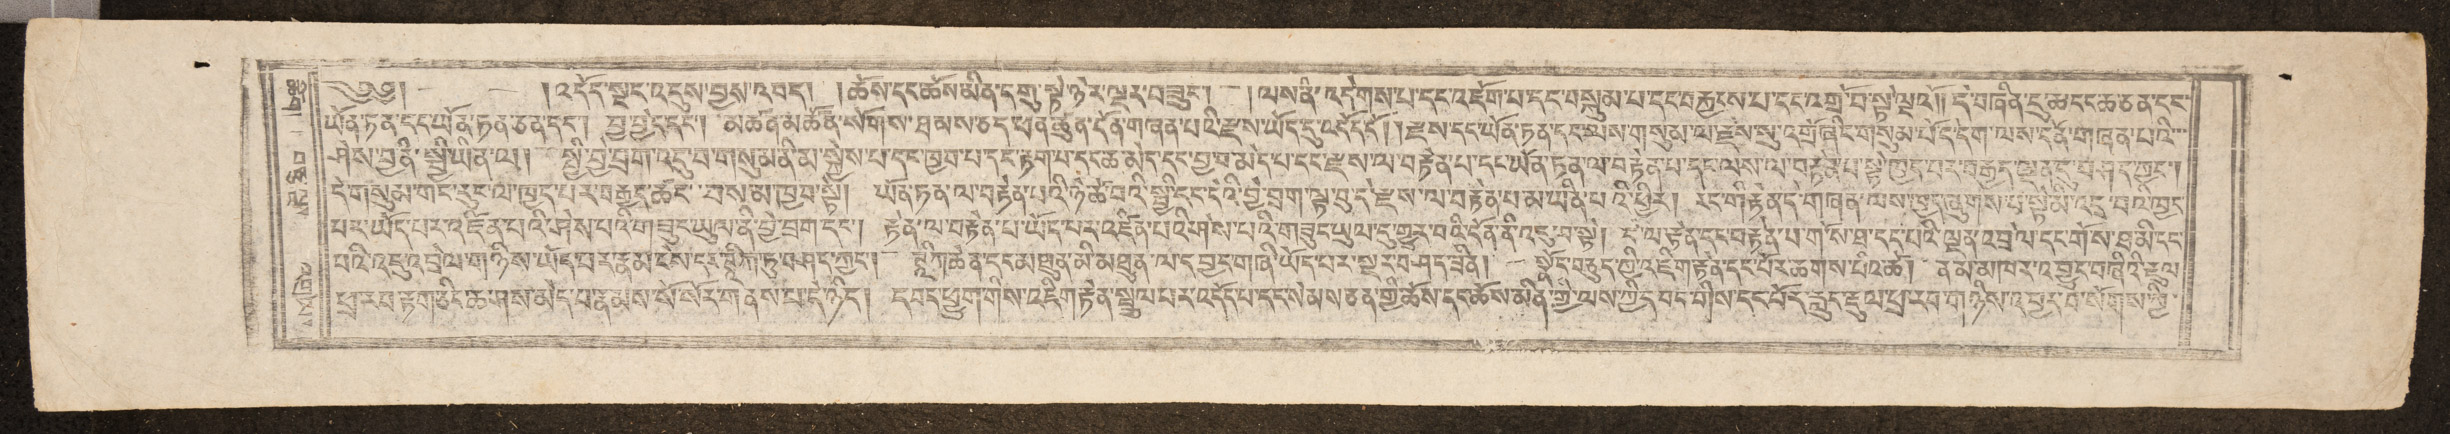༄༅། །འདོད་སྡང་འདུས་བྱས་འབད། །ཆོས་དང་ཆོས་མིན་དགུ་སྟེ་ཉེར་ལྔར་བཟུང་། །ལས་ནི་འདེགས་པ་དང་འཇོག་པ་དང་བསྐུམ་པ་དང་བརྐྱངས་པ་དང་འགྲོ་བ་སྟེ་ལྔའོ།། དེ་བཞིན་དུ་ཆ་དང་ཆ་ཅན་དང་
ཡོན་ཏན་དང་ཡོན་ཏན་ཅན་དང་། བྱ་བྱེད་དང་། མཚན་མཚོན་སོགས་ཐམས་ཅད་ཕན་ཚུན་དོན་གཞན་པའི་རྫས་ཡོད་དུ་འདོད་དོ། །རྫས་དང་ཡོན་ཏན་དང་ལས་གསུམ་ལ་རྗེས་སུ་འགྲོ་ཞིང་གསུམ་པོ་དེ་དག་ལས་དོན་གཞན་པའི་
ཤེས་བྱ་ནི་སྤྱི་ཡིན་ལ། སྤྱི་བྱེ་བྲག་འདུ་བ་གསུམ་ནི་མ་སྐྱེས་པ་དང་ཁྱབ་པ་དང་རྟག་པ་དང་ཆ་མེད་དང་བྱ་བ་མེད་པ་དང་རྫས་ལ་བརྟེན་པ་དང་ཡོན་ཏན་ལ་བརྟེན་པ་དང་ལས་ལ་བརྟེན་པ་སྟེ་ཁྱད་པར་བརྒྱད་ལྡན་དུ་བཤད་ཀྱང་།
དེ་གསུམ་གང་རུང་ལ་ཁྱད་པར་བརྒྱད་ཚང་བས་མ་ཁྱབ་སྟེ། ཡོན་ཏན་ལ་བརྟེན་པའི་ཉེ་ཚེ་བའི་སྤྱི་དང་དེའི་བྱེ་བྲག་ལྟ་བུ་དེ་རྫས་ལ་བརྟེན་པ་མ་ཡིན་པའི་ཕྱིར། རང་གི་རྟེན་དེ་གཞན་ལས་ཁྱད་ཞུགས་པ་སྟེ་མི་འདྲ་བའི་ཁྱད་
པར་ཡོད་པར་འཛིན་པའི་ཤེས་པའི་གཟུང་ཡུལ་ནི་བྱེ་བྲག་དང་། རྟེན་ལ་བརྟེན་པ་ཡོད་པར་འཛིན་པའི་ཤེས་པའི་གཟུང་ཡུལ་དུ་གྱུར་བའི་དོན་ནི་འདུ་བ་སྟེ། དེ་ལ་རྟེན་དང་བརྟེན་པ་གོ་ས་ཐ་དད་པའི་ལྡན་འབྲེལ་དང་གོ་ས་ཐ་མི་དང་
བའི་འདུ་འབྲེལ་གཉིས་ཡོད་པར་རྣམ་ངེས་དར་ཊཱིཀ་ཏུ་བཤད་ཀྱང་། ཊཱིཀ་ཆེན་དང་མཐུན་མི་མཐུན་ལ་དབྱང་གཞི་ཡོད་པར་སྔར་བཤད་ཟིན། སྣོང་བཅུད་ཀྱི་འཇིག་རྟེན་དང་པོར་ཆགས་པའི་ཆོ། ནམ་མཁར་འབྱུང་བཞིའི་རྡུལ་
ཕྲ་རབ་རྟག་ཅིང་ཆ་ཤས་མེད་པ་རྣམས་སོ་སོར་གནས་པ་དེ་ཉིད། དབང་ཕྱུག་གིས་འཇིག་རྟེན་སྤྲུལ་པར་འདོད་པ་དང་སེམས་ཅན་གྱི་ཆོས་དང་ཆོས་མིན་གྱི་ལས་ཀྱི་དབང་གིས་དང་པོར་རླུང་རྡུལ་ཕྲ་རབ་གཉིས་འབྱར་བ་སོགས་ཀྱི་